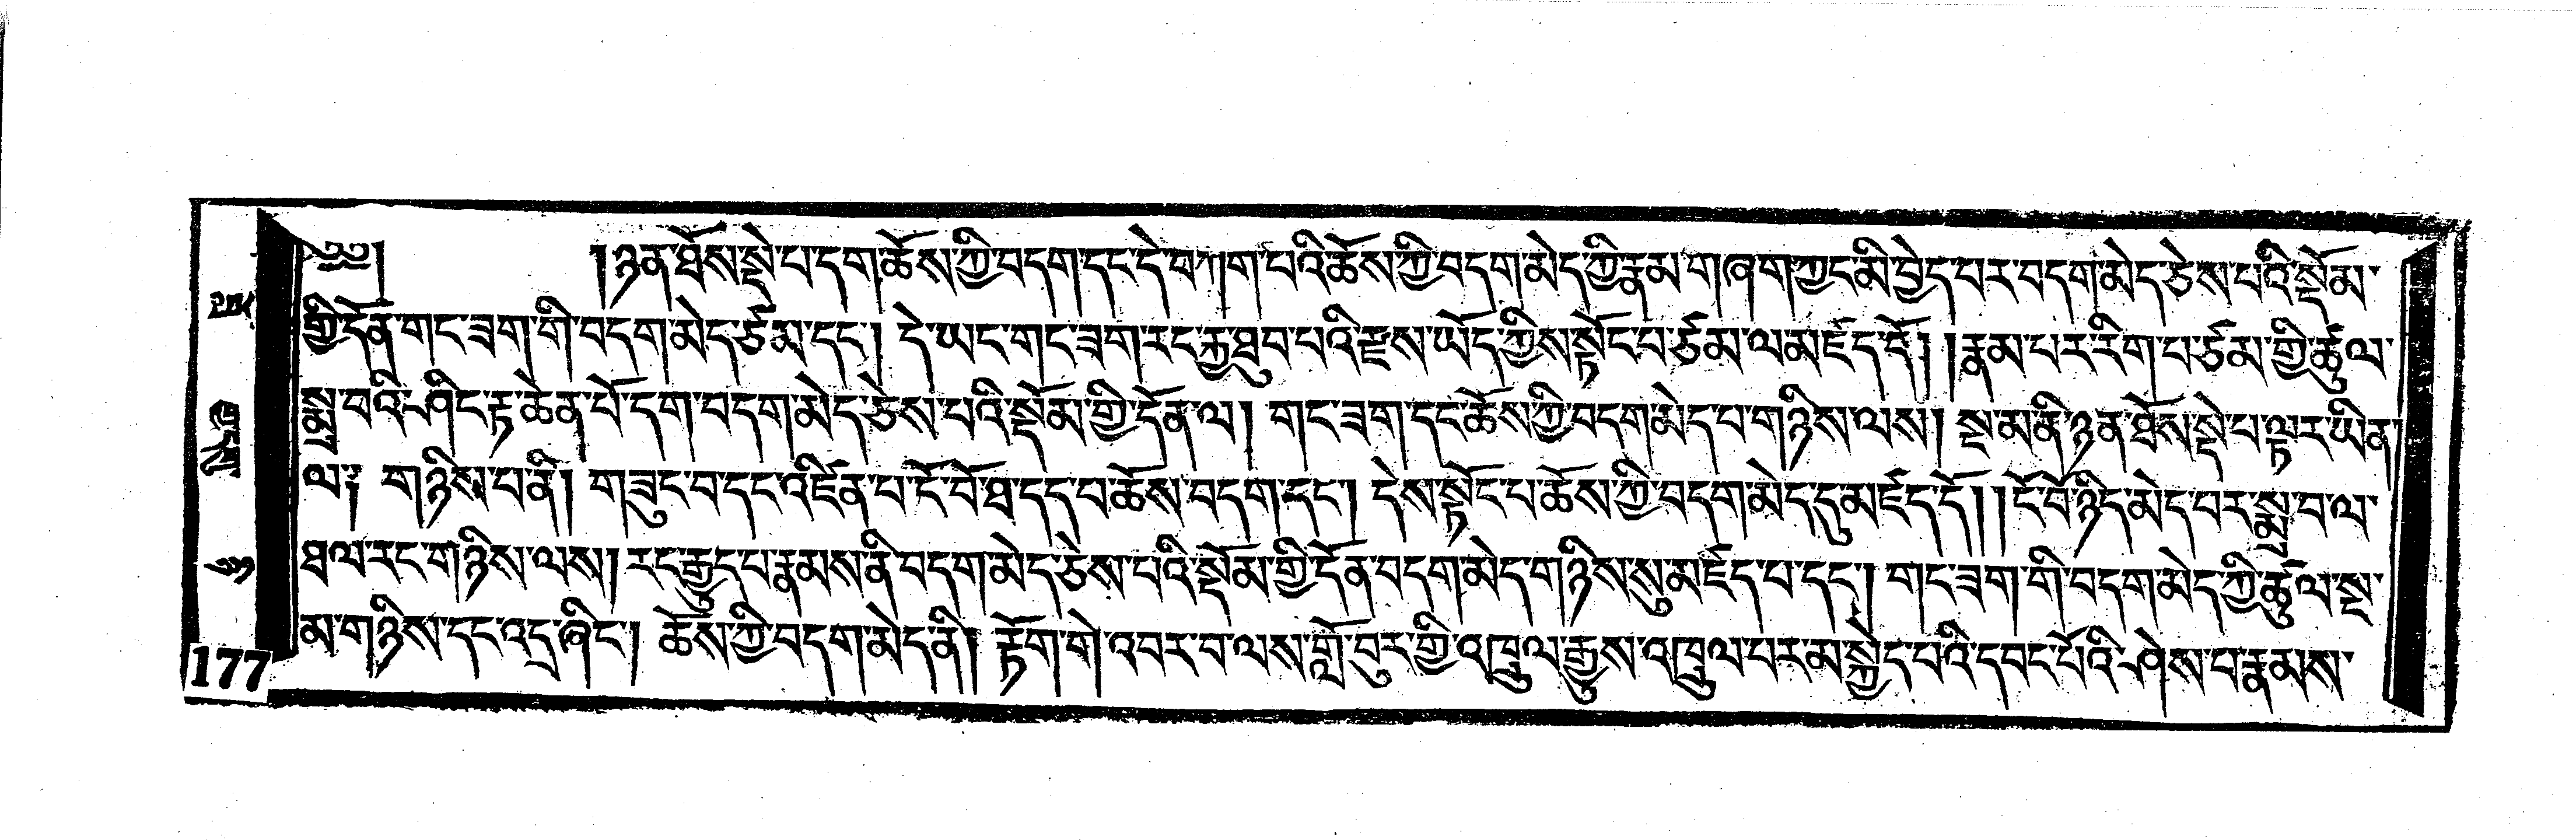༄༅། །ཉན་ཐོས་སྡེ་པ་དག་ཆོས་ཀྱི་བདག་དང་དེ་བཀག་པའི་ཆོས་ཀྱི་བདག་མེད་ཀྱི་རྣམ་གཞག་ཀྱང་མི་བྱེད་པར་བདག་མེད་ཅེས་པའི་སྡོམ་
གྱི་དོན་གང་ཟག་གི་བདག་མེད་ཙམ་དང་། དེ་ཡང་གང་ཟག་རང་རྐྱ་ཐུབ་པའི་རྫས་ཡོད་ཀྱིས་སྟོང་པ་ཙམ་ལ་མཛད་དོ། །རྣམ་པར་རིག་པ་ཙམ་གྱི་ཚུལ་
སྨྲ་བའི་ཤིང་རྟ་ཆེན་པོ་དག་བདག་མེད་ཅེས་པའི་སྡོམ་གྱི་དོན་ལ། གང་ཟག་དང་ཆོས་ཀྱི་བདག་མེད་པ་གཉིས་ལས། སྔ་མ་ནི་ཉན་ཐོས་སྡེ་པ་ལྟར་ཡིན་
ལ༑ གཉིས་པ་ནི། གཟུང་བ་དང་འཛིན་པ་ངོ་བོ་ཐ་དད་པ་ཆོས་བདག་དང་། དེས་སྟོང་པ་ཆོས་ཀྱི་བདག་མེད་དུ་མཛད་དོ། །ངོ་བོ་ཉིད་མེད་པར་སྨྲ་བ་ལ་
ཐལ་རང་གཉིས་ལས། རང་རྒྱུད་པ་རྣམས་ནི་བདག་མེད་ཅེས་པའི་སྡོམ་གྱི་དོན་བདག་མེད་གཉིས་སུ་མཛད་པ་དང་། གང་ཟག་གི་བདག་མེད་ཀྱི་ཚུལ་སྔ་
མ་གཉིས་དང་འདྲ་ཞིང་། ཆོས་ཀྱི་བདག་མེད་ནི། རྟོག་གེ་འབར་བ་ལས་གློ་བུར་གྱི་འཁྲུལ་རྒྱུས་འཁྲུལ་པར་མ་སྐྱེད་པའི་དབང་པོའི་ཤེས་པ་རྣམས་